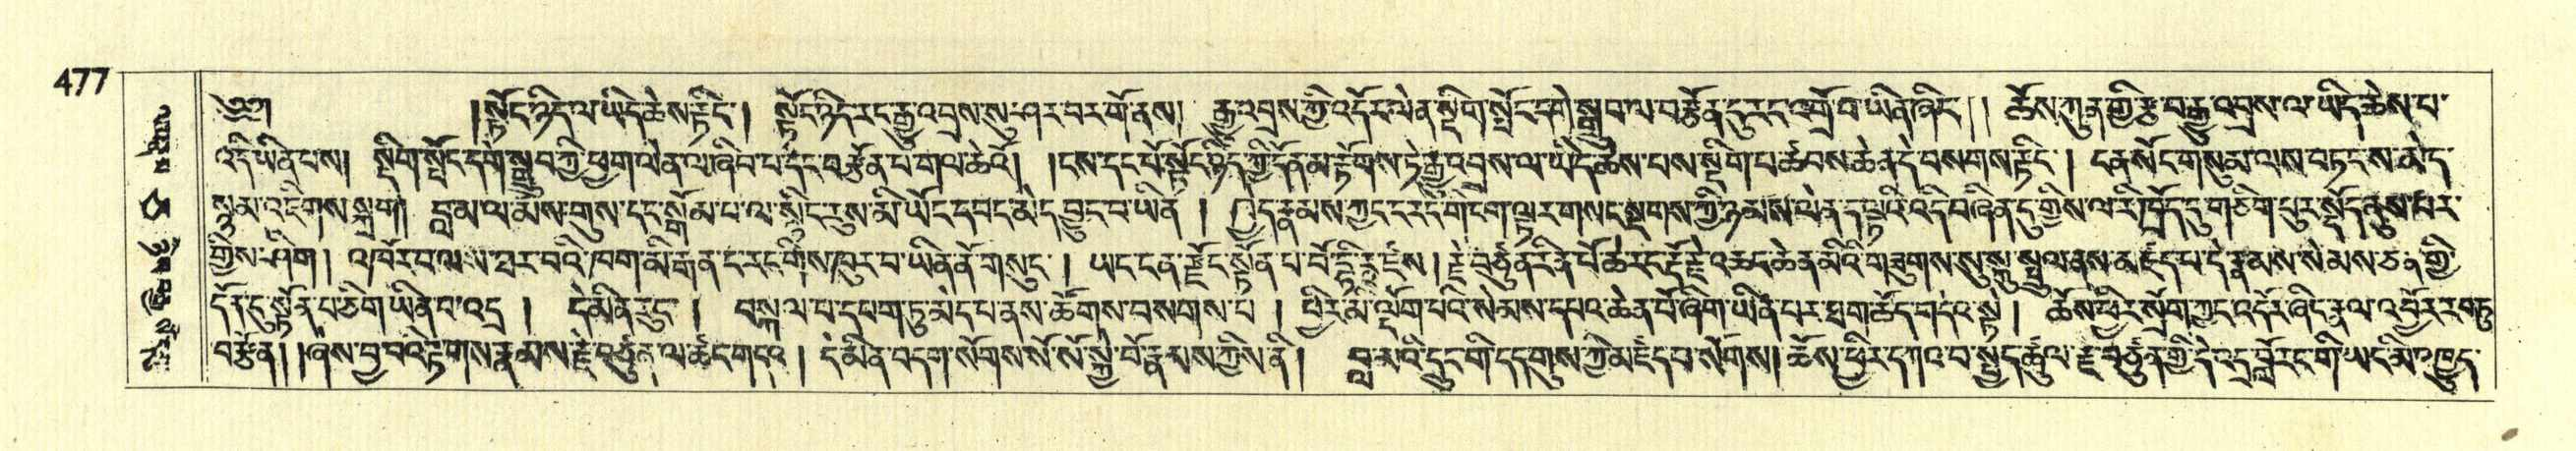༄༅། །སྟོང་ཉིད་ལ་ཡིད་ཆེས་རྟིང་། སྟོང་ཉིད་རང་རྒྱུ་འབྲས་སུ་ཤར་བར་གོ་ནས། རྒྱུ་འབྲས་ཀྱི་འདོར་ལེན་སྡིག་སྤོང་དགེ་སྒྲུབ་ལ་བརྩོན་དུ་རང་འགྲོ་བ་ཡིན་ཞིང་། །ཆོས་ཀུན་གྱི་རྩ་བ་རྒྱུ་འབྲས་ལ་ཡིད་ཆེས་པ་
འདི་ཡིན་པས། སྡིག་སྤོང་དགེ་སྒྲུབ་ཀྱི་ཕྱག་ལེན་ལ་ཞིབ་པ་དང་བརྩོན་པ་གལ་ཆེའོ། །ངས་དང་པོ་སྟོང་ཉིད་ཀྱི་དོན་མ་རྟོགས་ཏེ་རྒྱུ་འབྲས་ལ་ཡིད་ཆེས་པས་སྡིག་པ་ཚབས་ཆེན་དེ་བསགས་རྟིང་། ངན་སོང་གསུམ་ལས་བཏང་ས་མེད་
སྙམ་འཇིགས་སྐྲག། བླ་མ་ལ་མོས་གུས་དང་སྒོམ་པ་ལ་སྙིང་རུས་མི་ཡོང་དབང་མེད་བྱུང་བ་ཡིན། ཁྱེད་རྣམས་ཀྱང་ང་རང་གི་ངག་ལྟར་གསང་སྔགས་ཀྱི་ཉམས་ལེན་ད་ལྟའི་འདི་བཞིན་དུ་གྱིས་ལ་རི་ཁྲོད་དུ་གཅིག་པུར་སྡོད་ནུས་པར་
གྱིས་ཤིག། འཁོར་བ་ལས་ཐར་བའི་ཁག་མི་རྒན་ང་རང་གིས་ཁུར་བ་ཡིན་ནོ་གསུང་། ཡང་ངན་རྫོང་སྟོན་པ་བོ་དྷི་རཱ་ཛས། རྗེ་བཙུན་རིན་པོ་ཆེ་རང་རྡོ་རྗེ་འཆང་ཆེན་མིའི་གཟུགས་སུ་སྐུ་སྤྲུལ་ནས་མཛད་པ་དེ་རྣམས་སེམས་ཅན་གྱི་
དོན་དུ་སྟོན་པ་ཅིག་ཡིན་བ་འདྲ། དེ་མིན་རུང་། བསྐལ་པ་དཔག་ཏུ་མེད་པ་ནས་ཚོགས་བསགས་པ། ཕྱིར་མི་ལྡོག་པའི་སེམས་དཔའ་ཆེན་པོ་ཞིག་ཡིན་པར་ཐག་ཆོད་གདའ་སྟེ། ཆོས་ཕྱིར་སྲོག་ཀྱང་འདོར་ཞིང་རྣལ་འབྱོར་རབ་ཏུ་
བརྩོན། །ཞེས་བྱ་བའི་རྟགས་རྣམས་རྗེ་བཙུན་ལ་ཚང་གདའ། དེ་མིན་བདག་སོགས་སོ་སོ་སྐྱེ་བོ་རྣམས་ཀྱིས་ནི། བླ་མའི་དྲུང་གི་དད་གུས་ཀྱི་མཛད་པ་སོགས། ཆོས་ཕྱིར་དཀའ་བ་སྤྱད་ཚུལ་རྗེ་བཙུན་གྱི་དེ་འདྲ་བློ་རང་གི་ཡང་མི་འཁྱུད་